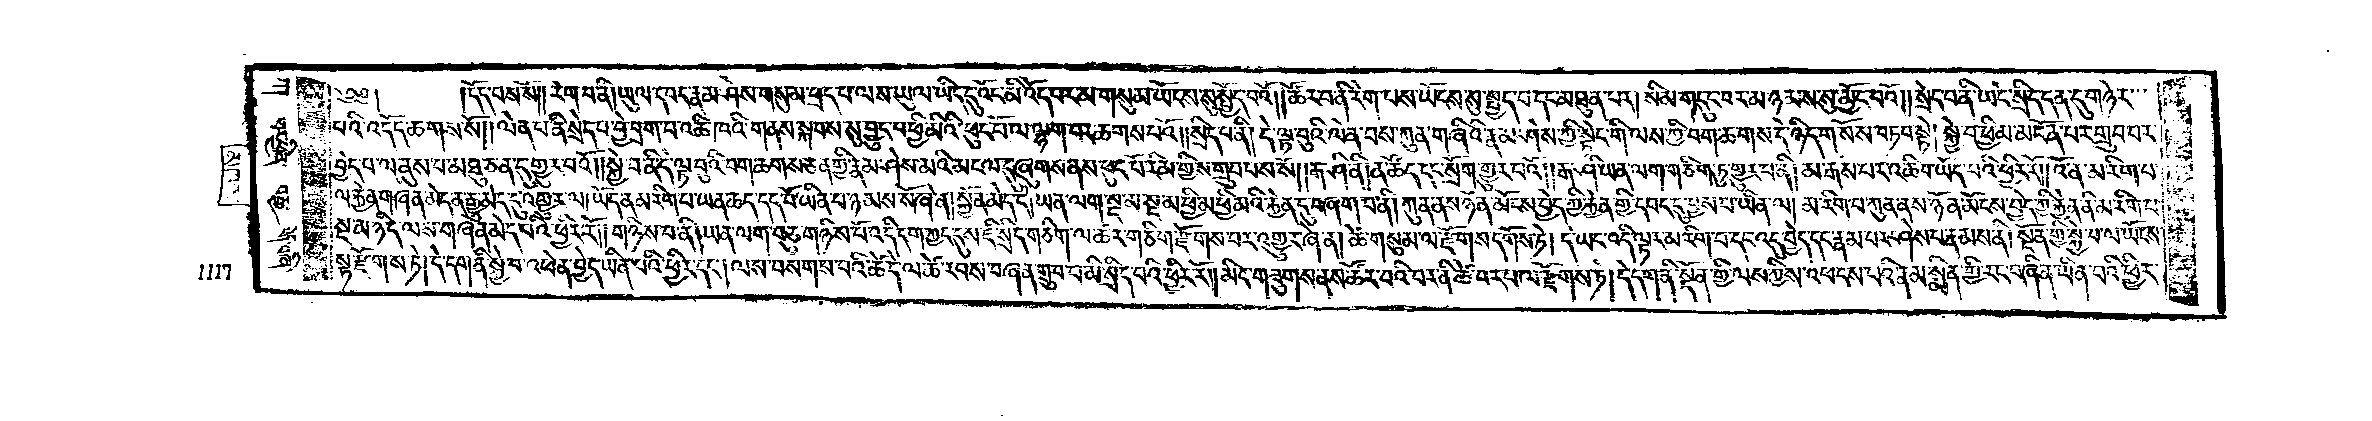༄༅། །དོད་པས་སོ། །རེག་པ་ནི། ཡུལ་དབང་རྣམ་ཤེས་གསུམ་ཕྲད་པ་ལས་ཡུལ་ཡིད་དུ་འོང་མི་འོད་པར་མ་གསུམ་ཡོངས་སུ་སྤྱོད་པའོ། །ཚོར་བ་ནི་རེག་པས་ཡོངས་སུ་སྤྱད་པ་དང་མཐུན་པར། སིམ་གདུང་བར་མཉམས་སུ་མྱོང་བའོ། །སྲེད་པ་ནི་ཡང་སྲིད་དོན་དུ་གཉེར་
པའི་འདོད་ཆགས་སོ། །ལེན་པ་ནི་སྲེད་པ་བྱེ་བྲག་པ་འཆི་ཁའི་གནས་སྐབས་སུ་བྱུང་བ་ཕྱི་མིའི་ཕུང་པོ་ལ་ལྷག་པར་ཆགས་པའོ། །སྲིད་པ་ནི། དེ་ལྟ་བུའི་ལེན་པས་ཀུན་གཞིའི་རྣམ་ཤེས་ཀྱི་སྟེང་གི་ལས་ཀྱི་བག་ཆགས་དེ་ཉིད་གསོས་བཏབ་སྟེ། སྐྱེ་བ་ཕྱི་མ་མངོན་པར་གྲུབ་པར་
བྱེད་པ་ལ་ནུས་པ་མཐུ་ཅན་དུ་གྱུར་བའོ། །སྐྱེ་བ་ནི་དེ་ལྟ་བུའི་བག་ཆགས་ཅན་གྱི་རྣམ་ཤེས་མའི་མངལ་དུ་ཞུགས་ནས་ཕུང་པོ་རིམ་གྱིས་གྲུབ་པས་སོ། །རྒ་ཤི་ནི། ན་ཚོད་དང་སྲོག་གྱུར་བའོ། །རྒ་ཤི་ཡན་ལག་གཅིག་ཏུ་གྱུར་པ་ནི། མ་རྒས་པར་འཆི་བ་ཡོད་པའི་ཕྱིར་རོ། །འོ་ན་མ་རིག་པ་
ལ་རྐྱེན་གཞན་མེད་ན་རྒྱུ་མེད་དུ་འགྱུར་ལ། ཡོད་ན་མ་རིག་པ་ཡན་ཆད་དད་པོ་ཡིན་པ་ཉམས་སོ་ཞེ་ན། སྐྱོན་མེད་དེ། ཡན་ལག་སྔ་མ་སྔ་མ་ཕྱི་མ་ཕྱི་མའི་རྐྱེན་དུ་བཞག་པ་ནི། ཀུན་ནས་ཉོན་མོངས་བྱེད་ཀྱི་རྐྱེན་གྱི་དབང་དུ་བྱས་པ་ཡིན་ལ། མ་རིག་པ་ཀུན་ནས་ཉོན་མོངས་བྱེད་ཀྱི་རྐྱེན་ནི་མ་རིག་པ་
སྔ་མ་ཉིད་ལས་གཞན་མེད་པའི་ཕྱིར་རོ། །གཉིས་པ་ནི། ཡན་ལག་བཅུ་གཉིས་པོ་འདི་དག་ཀྱང་དུས་ཇི་སྲིད་གཅིག་ལ་ཚར་གཅིག་རྫོགས་པར་འགྱུར་ཞེ་ན། ཚེ་གསུམ་ལ་རྫོགས་དགོས་ཏེ། དེ་ཡང་འདི་ལྟར་མ་རིག་པ་དང་འདུ་བྱེད་དང་རྣམ་པར་ཤེས་པ་རྣམས་ནི། སྔོན་གྱི་སྐྱེ་བ་ལ་ཡོངས་
སྟ་རྫོགས་ཏེ། དེ་དག་ནི་སྐྱེ་བ་འཕེན་བྱེད་ཡིན་པའི་ཕྱིར་དང་། ལས་བསགས་པའི་ཚེ་དེ་ལ་ཚེ་རབས་བཞན་གྲུབ་པ་མི་སྲིད་པའི་ཕྱིར་རོ། །མིང་གཟུགས་ནས་ཚོར་བའི་བར་ནི་ཚེ་བར་པ་ལ་རྫོགས་ཏེ། དེ་དག་ནི་སྔོན་གྱི་ལས་ཀྱིས་འཕངས་པའི་རྣམ་སྨིན་གྱི་རང་བཞིན་ཡིན་པའི་ཕྱིར་